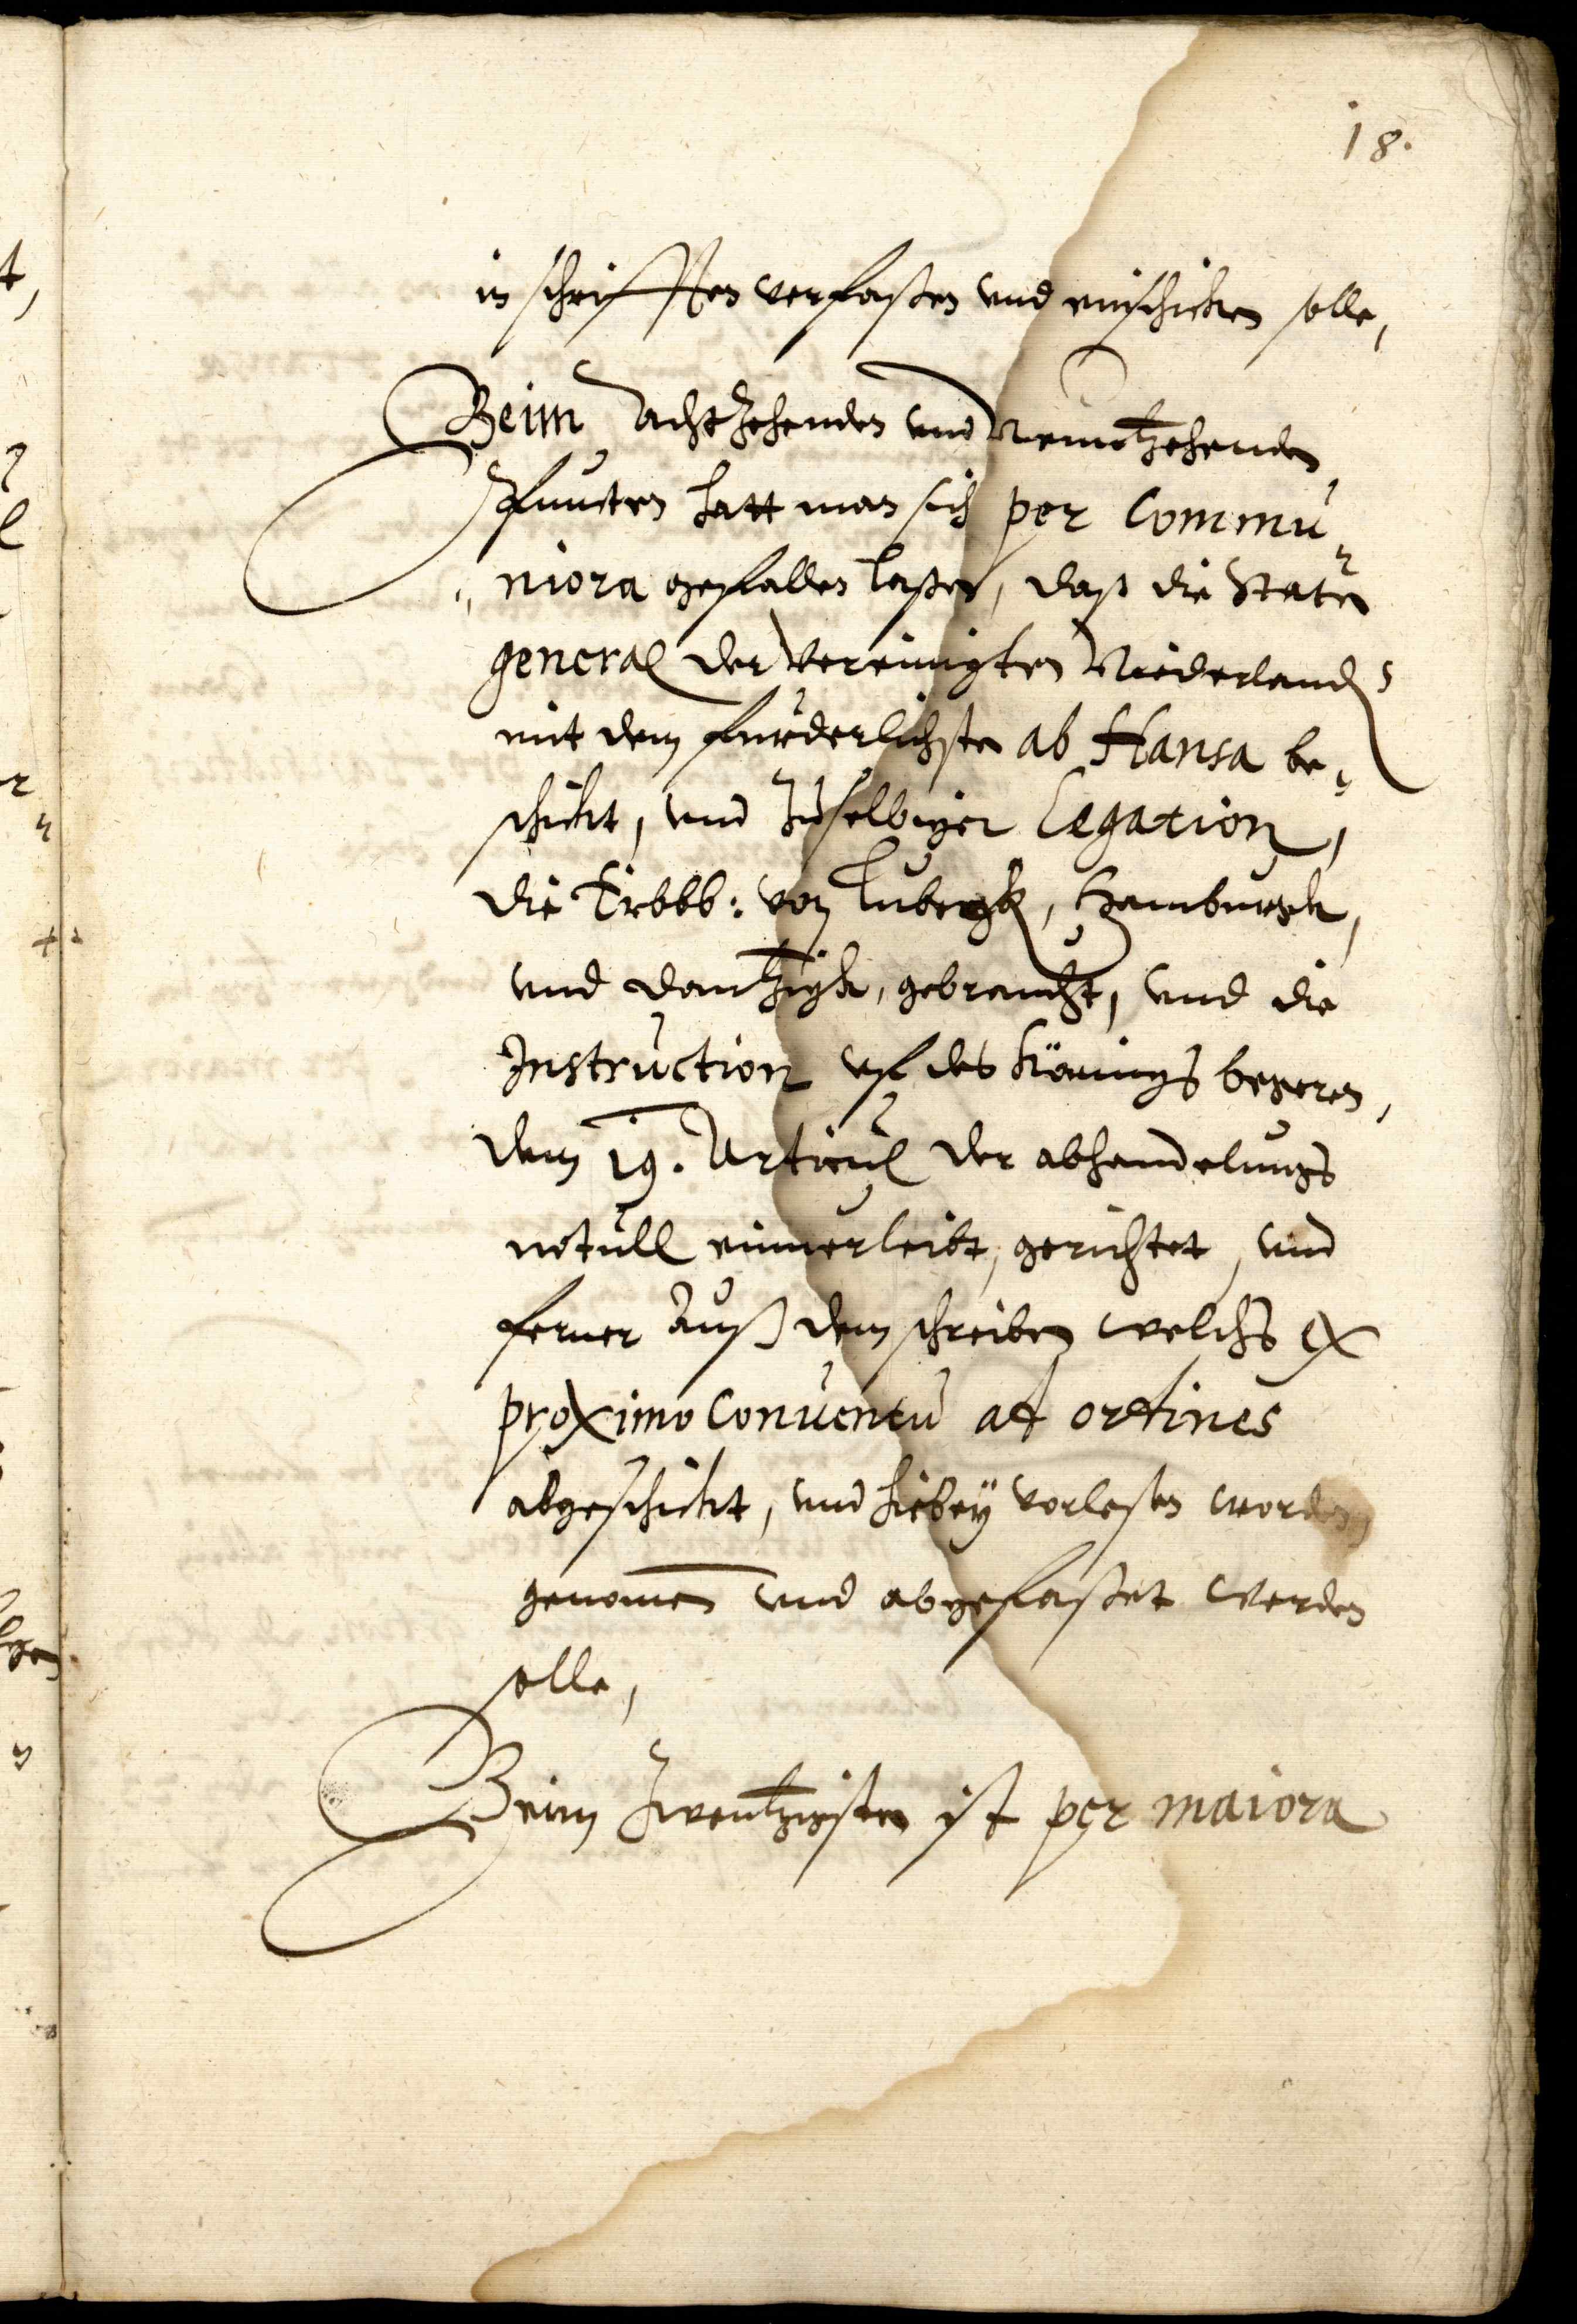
18.
in schrifften verfassen vnd einschicken solle,
Beim Achtzehenden vnd Neunzehenden
Puncten hatt man sich per Commu¬
niora gefalden laßen, daß die Staten
general der Vereinigten Niederlande
mit dem fürderlichsten ab Hansa be¬
schickt, vnd zu selbigen Legationen,
die Erbb:von Lubegk, Hamburgk,
vnd Dantzigk, gebraucht, vnd die
Instruction vf des königs begeren,
dem 19. Articul der abhandelungs
notull einverleibt, gerichtet, vnd
ferner auß dem schreiben welchs ex
proximo Conuentu at ortines
abgeschickt, vnd hiebeij verlesen werden,
genommen vnd abgefaßet werden
solle,
Beijm Zwantzigsten ist per maiora
